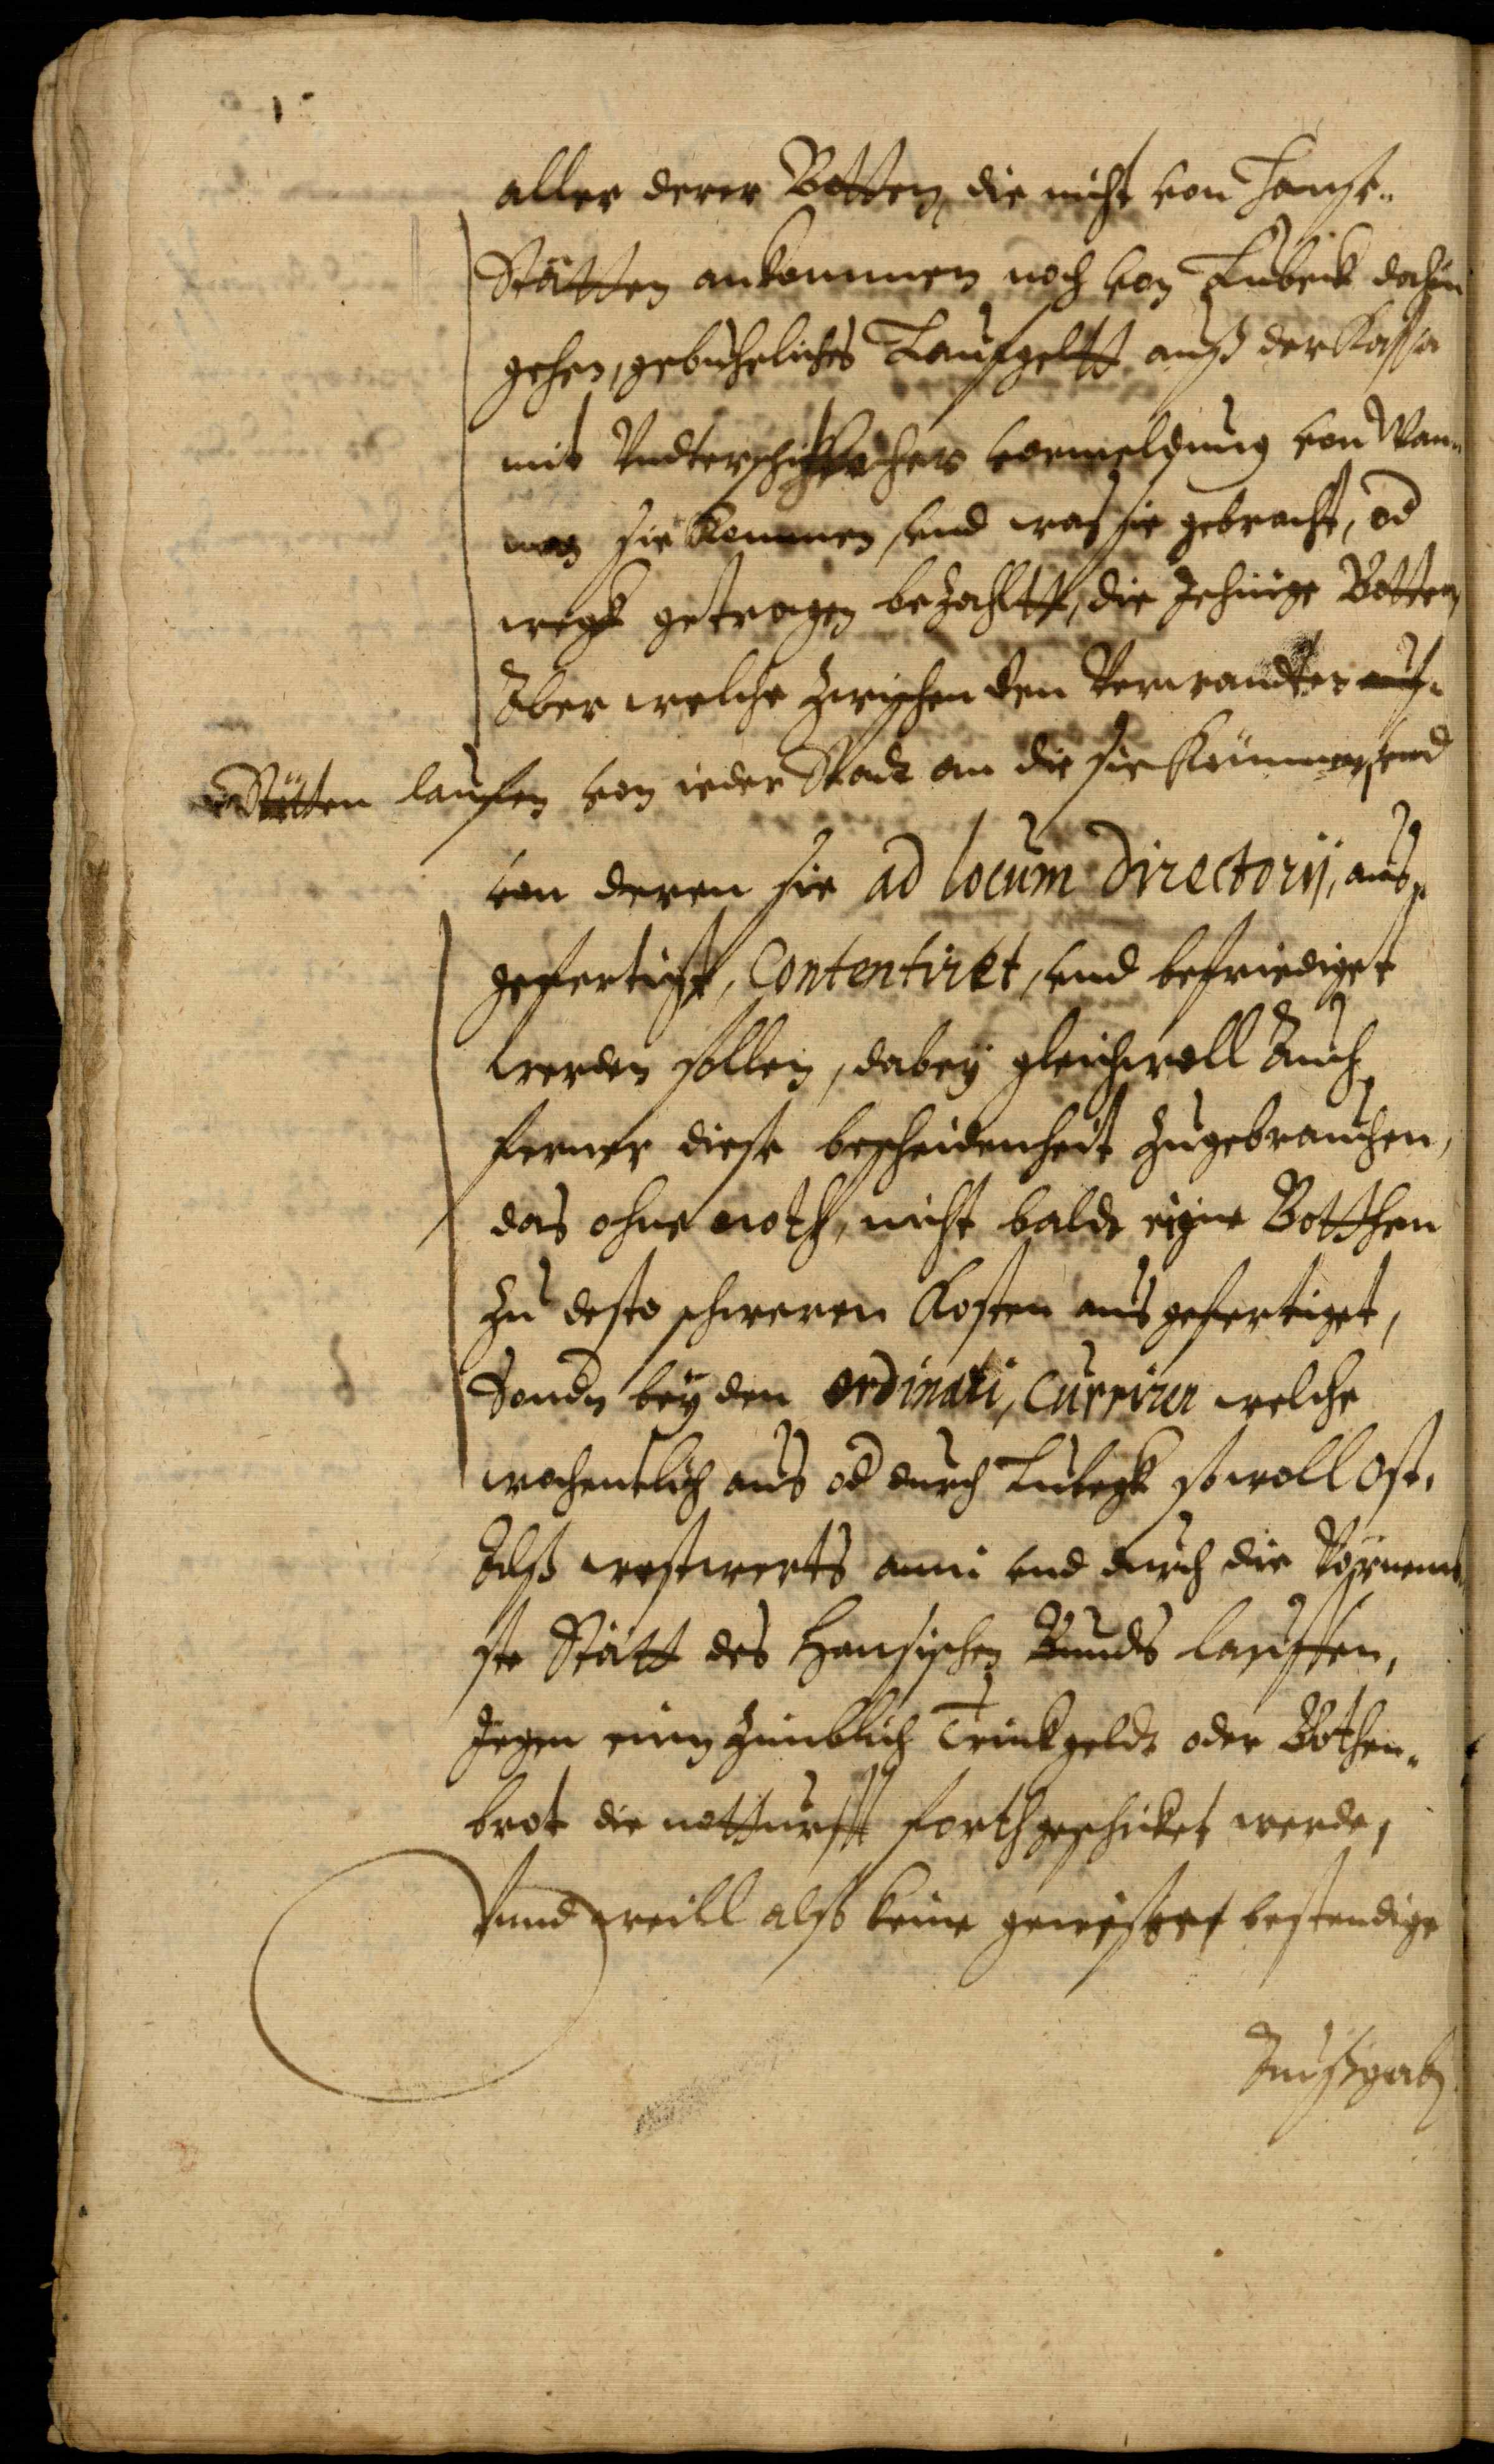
Stätten
aller derer Botten, die nicht von hanse¬
stätten ankommen noch von Lubeck dahin
gehen, gebuhrliches Laufgeltt auß der Kassen
mit vndterschitlicher vormeldung von Wan¬
nen sie kommen , vnd was sie gebracht, oder
wegk getragen bezahltt, die Jehnige Botten
Aber welche zwischen den Verwandten auf¬
laufen von ieder Stadt an die sie kömmen, vnd
von deren sie af locum directorii, aus¬
gefertigt, Contentiret, vnd befriediget
werden sollen, dabeij gleichwoll Auch
ferner diese bescheidenheit zugebrauchen,
das ohne noth, nicht baldt eigne Botthen
zu desto schweren Kosten aus gefertiget,
sondern beij den ordinari, curriren welche
wochentlich aus oder durch Lubegk so woll Ost¬
Alß westwerts ann: vnd durch die Vornemb¬
ste Stätt des Hansischen Bunds lauffen,
Jegen einn zimblich Trinkgeldt oder Bothen¬
brot die notturfft forthgeschicket werde,
Vnnd weill also keine gewisset bestendige
Außgaben
